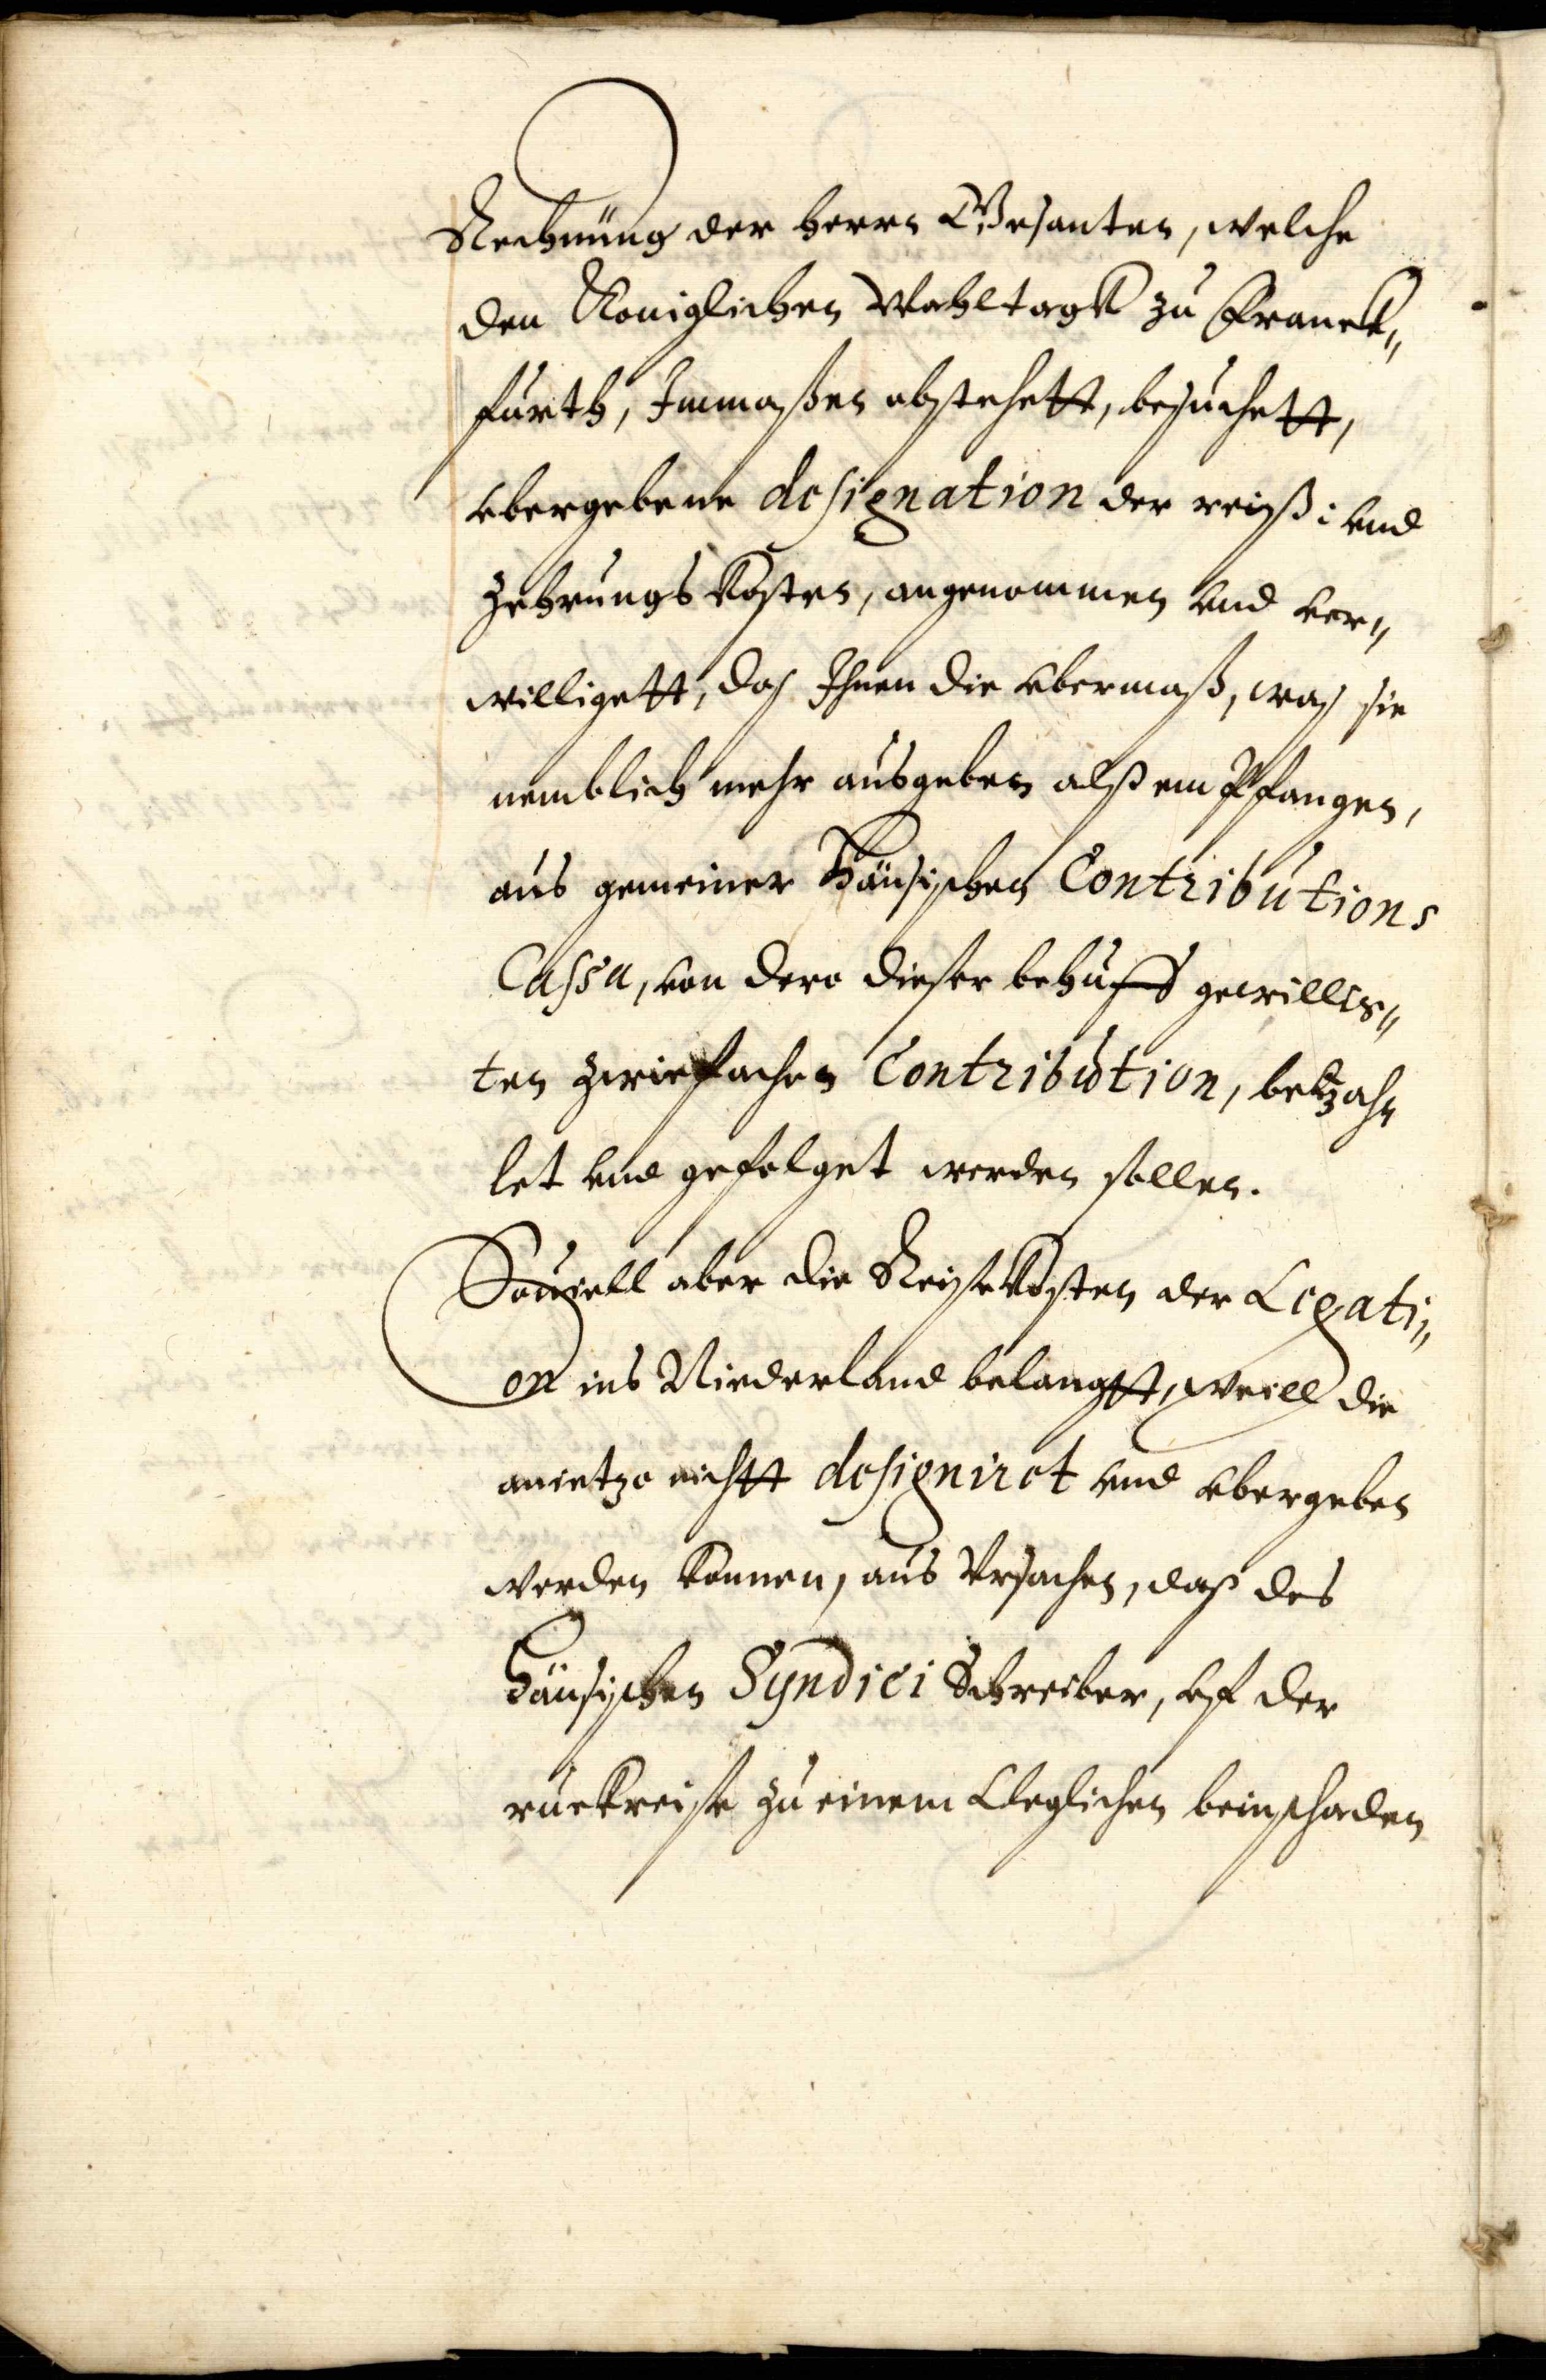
Rechnung der herrn Gesanten, welche
den Koniglichen Wahltagk zu Franck¬
furth, Immaßen obstehett, besuchett,
vbergebene designation der reiß: vnd
zehrungs kosten, angenommen vnd ver¬
willigett, daß Ihnen die vbermaß, waß sie
nemblich mehr ausgeben alß empfangen,
aus gemeiner Hänsischen Contributions
Cassa, von dero dieser behuff gewillig¬
ten zwiefachen Contribution, betzah¬
let vnd gefolget werden sollen.
Souiell aber die Reisekosten der Legati¬
on ins Niederland belangtt, weill die
anietzo nichtt designiret vnd vbergeben
werden konnen, aus Vrsachen, daß des
Hänsischen Syndici Schreiber, vf der
ruckreise zu einem Cleglichen beinschaden
